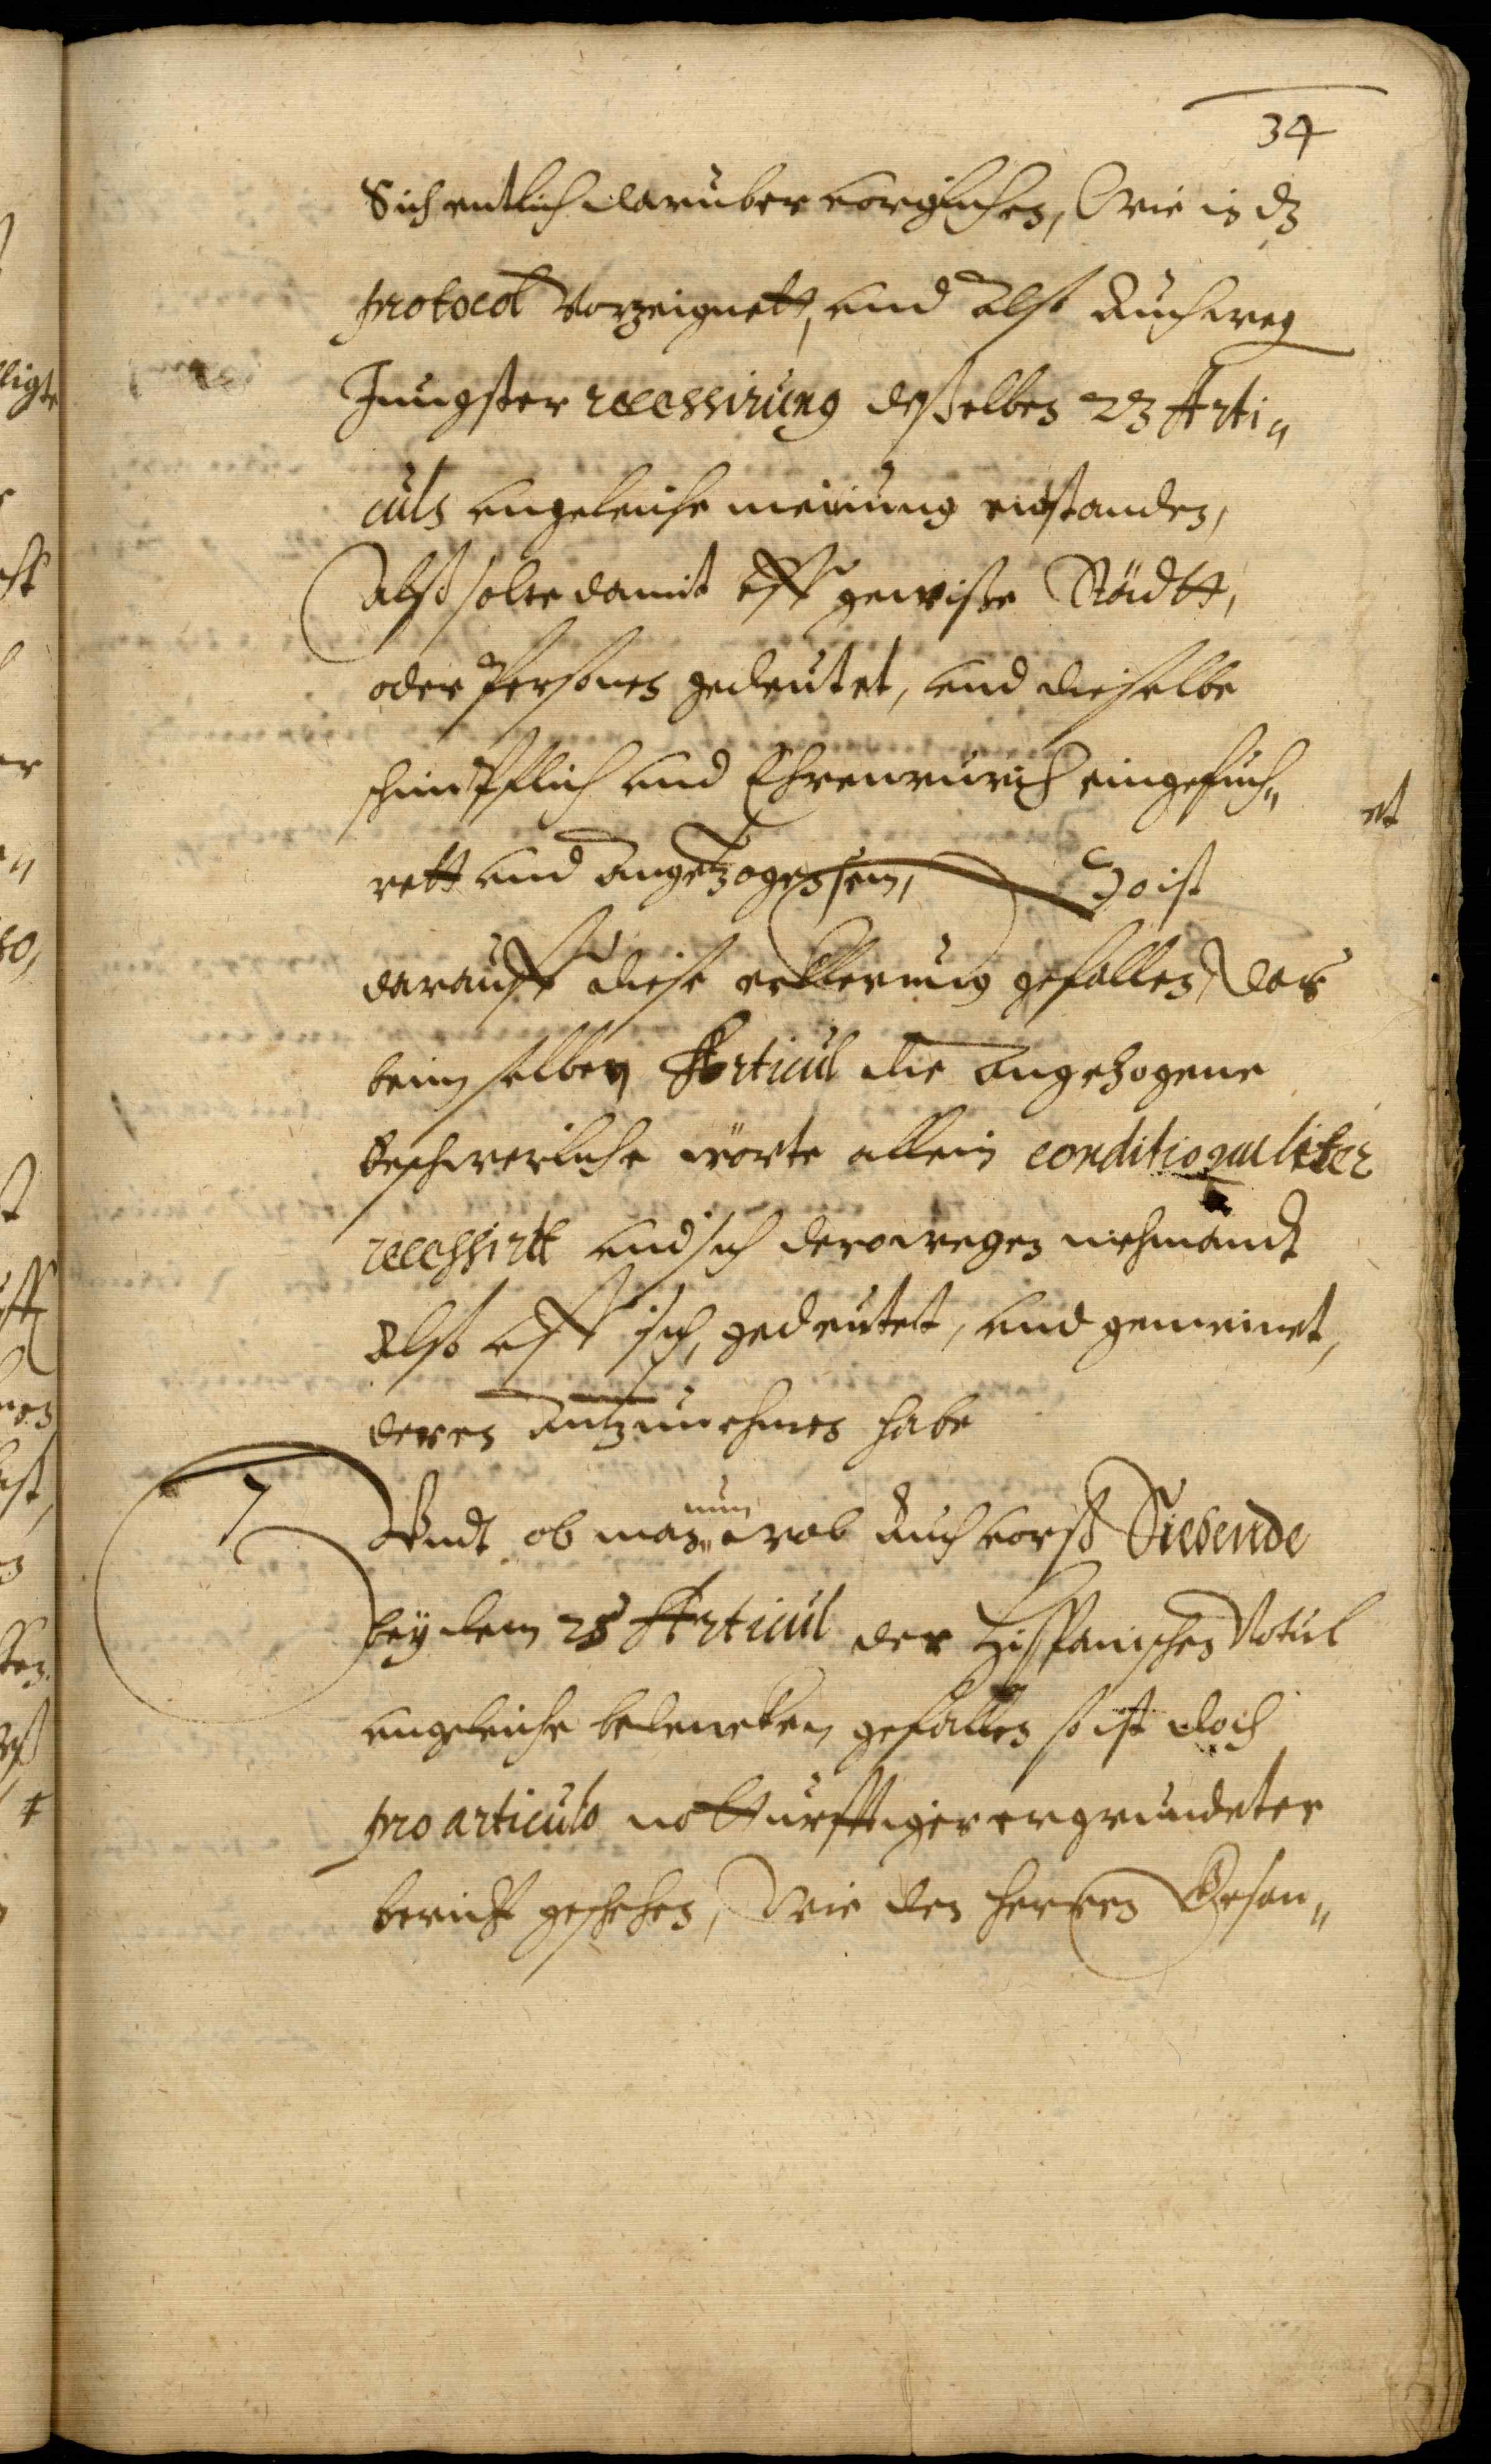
34
Sich entlich darüber vorglichen, Wie in das
protocol vorzeignett, vnd Alß Auch wegen
Jungster recessirung deßelben 23 Arti¬
culs vngeleiche meinung entstanden,
Alß solte damit vff gewiße Städtt,
oder Personen gedeutet, vnd dieselbe
schimpflich vnd Ehrenrurich eingefuh¬
rett vnd Angezogen sein, So ist
darauff diese erklerung gefallen, das
beim selben Articul die Angezogene
beschwerliche wörte allein conditionaliter
recessirtt vnd sich derowegen niehmandt
alß vff sich, gedeutet, vnd gemeinet,
deren Antzunehmen habe
7
Vnd ob man nun wol auch Auch vorß Siebende
beij dem 25 Articul der Hispanischen Notul
vngeleiche bedenken gefallen so ist doch
pro articulo notturfftiger ergrundeter
bericht geschehen, Wie den herren Gesan¬
ist
